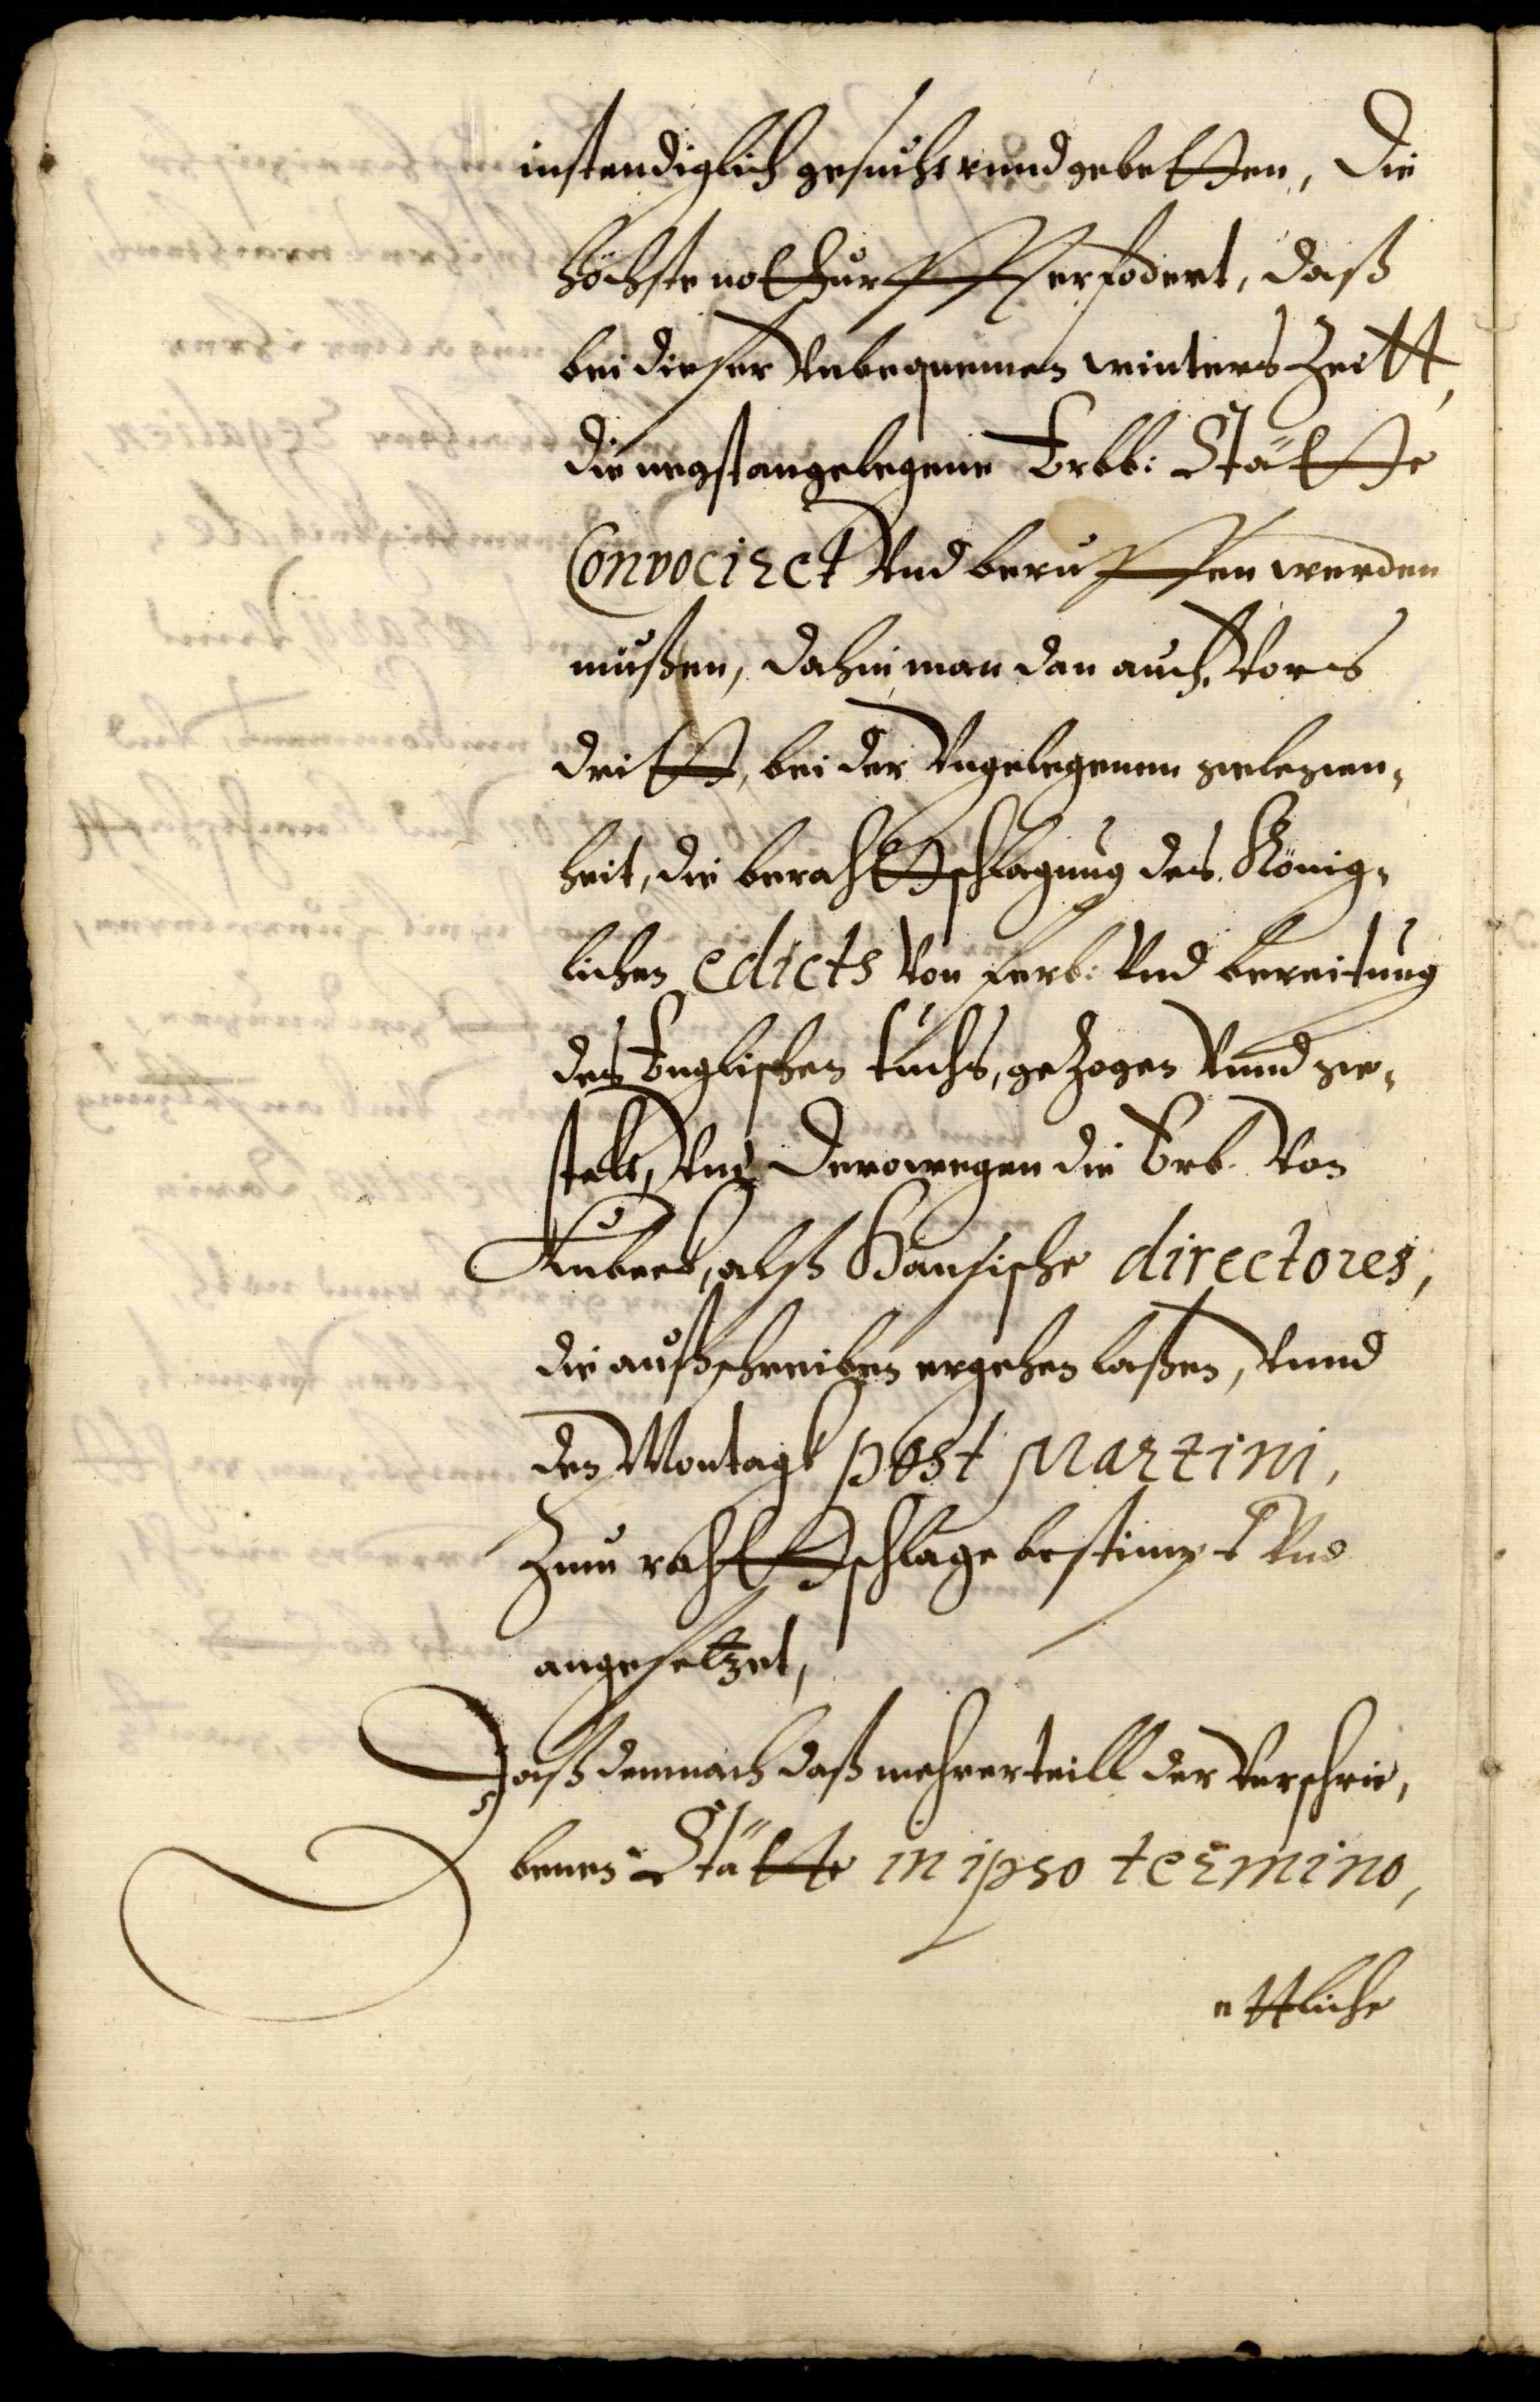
instendiglich gesucht vnnd gebetten, Die
höchste notturfft erfordert, daß
bei dieser Vnbequemen winters zeitt,
die negstangelegenen Erbb: Stätte
Convociret Vnd beruffen werden
müßen, dahin man dan auch, Vors
dritt, bei der Vngelegenen gelegen¬
heit, die berahttschlagung des König¬
lichen edicts Von ferb: vnd bereitung
des Englischen tuchs, gezogen Vnnd ge¬
stelt, vnd derowegen die Erb. Von
Lubeck, alß Hansische directores,
die außschreiben ergehen laßen, Vnnd
den Montagk post martini,
Zum rahttschlage bestimpt vnd
angesetzet,
Daß demnach daß mehrerteill der Verschrie¬
benen Stätte in ipso termino,
ettliche
